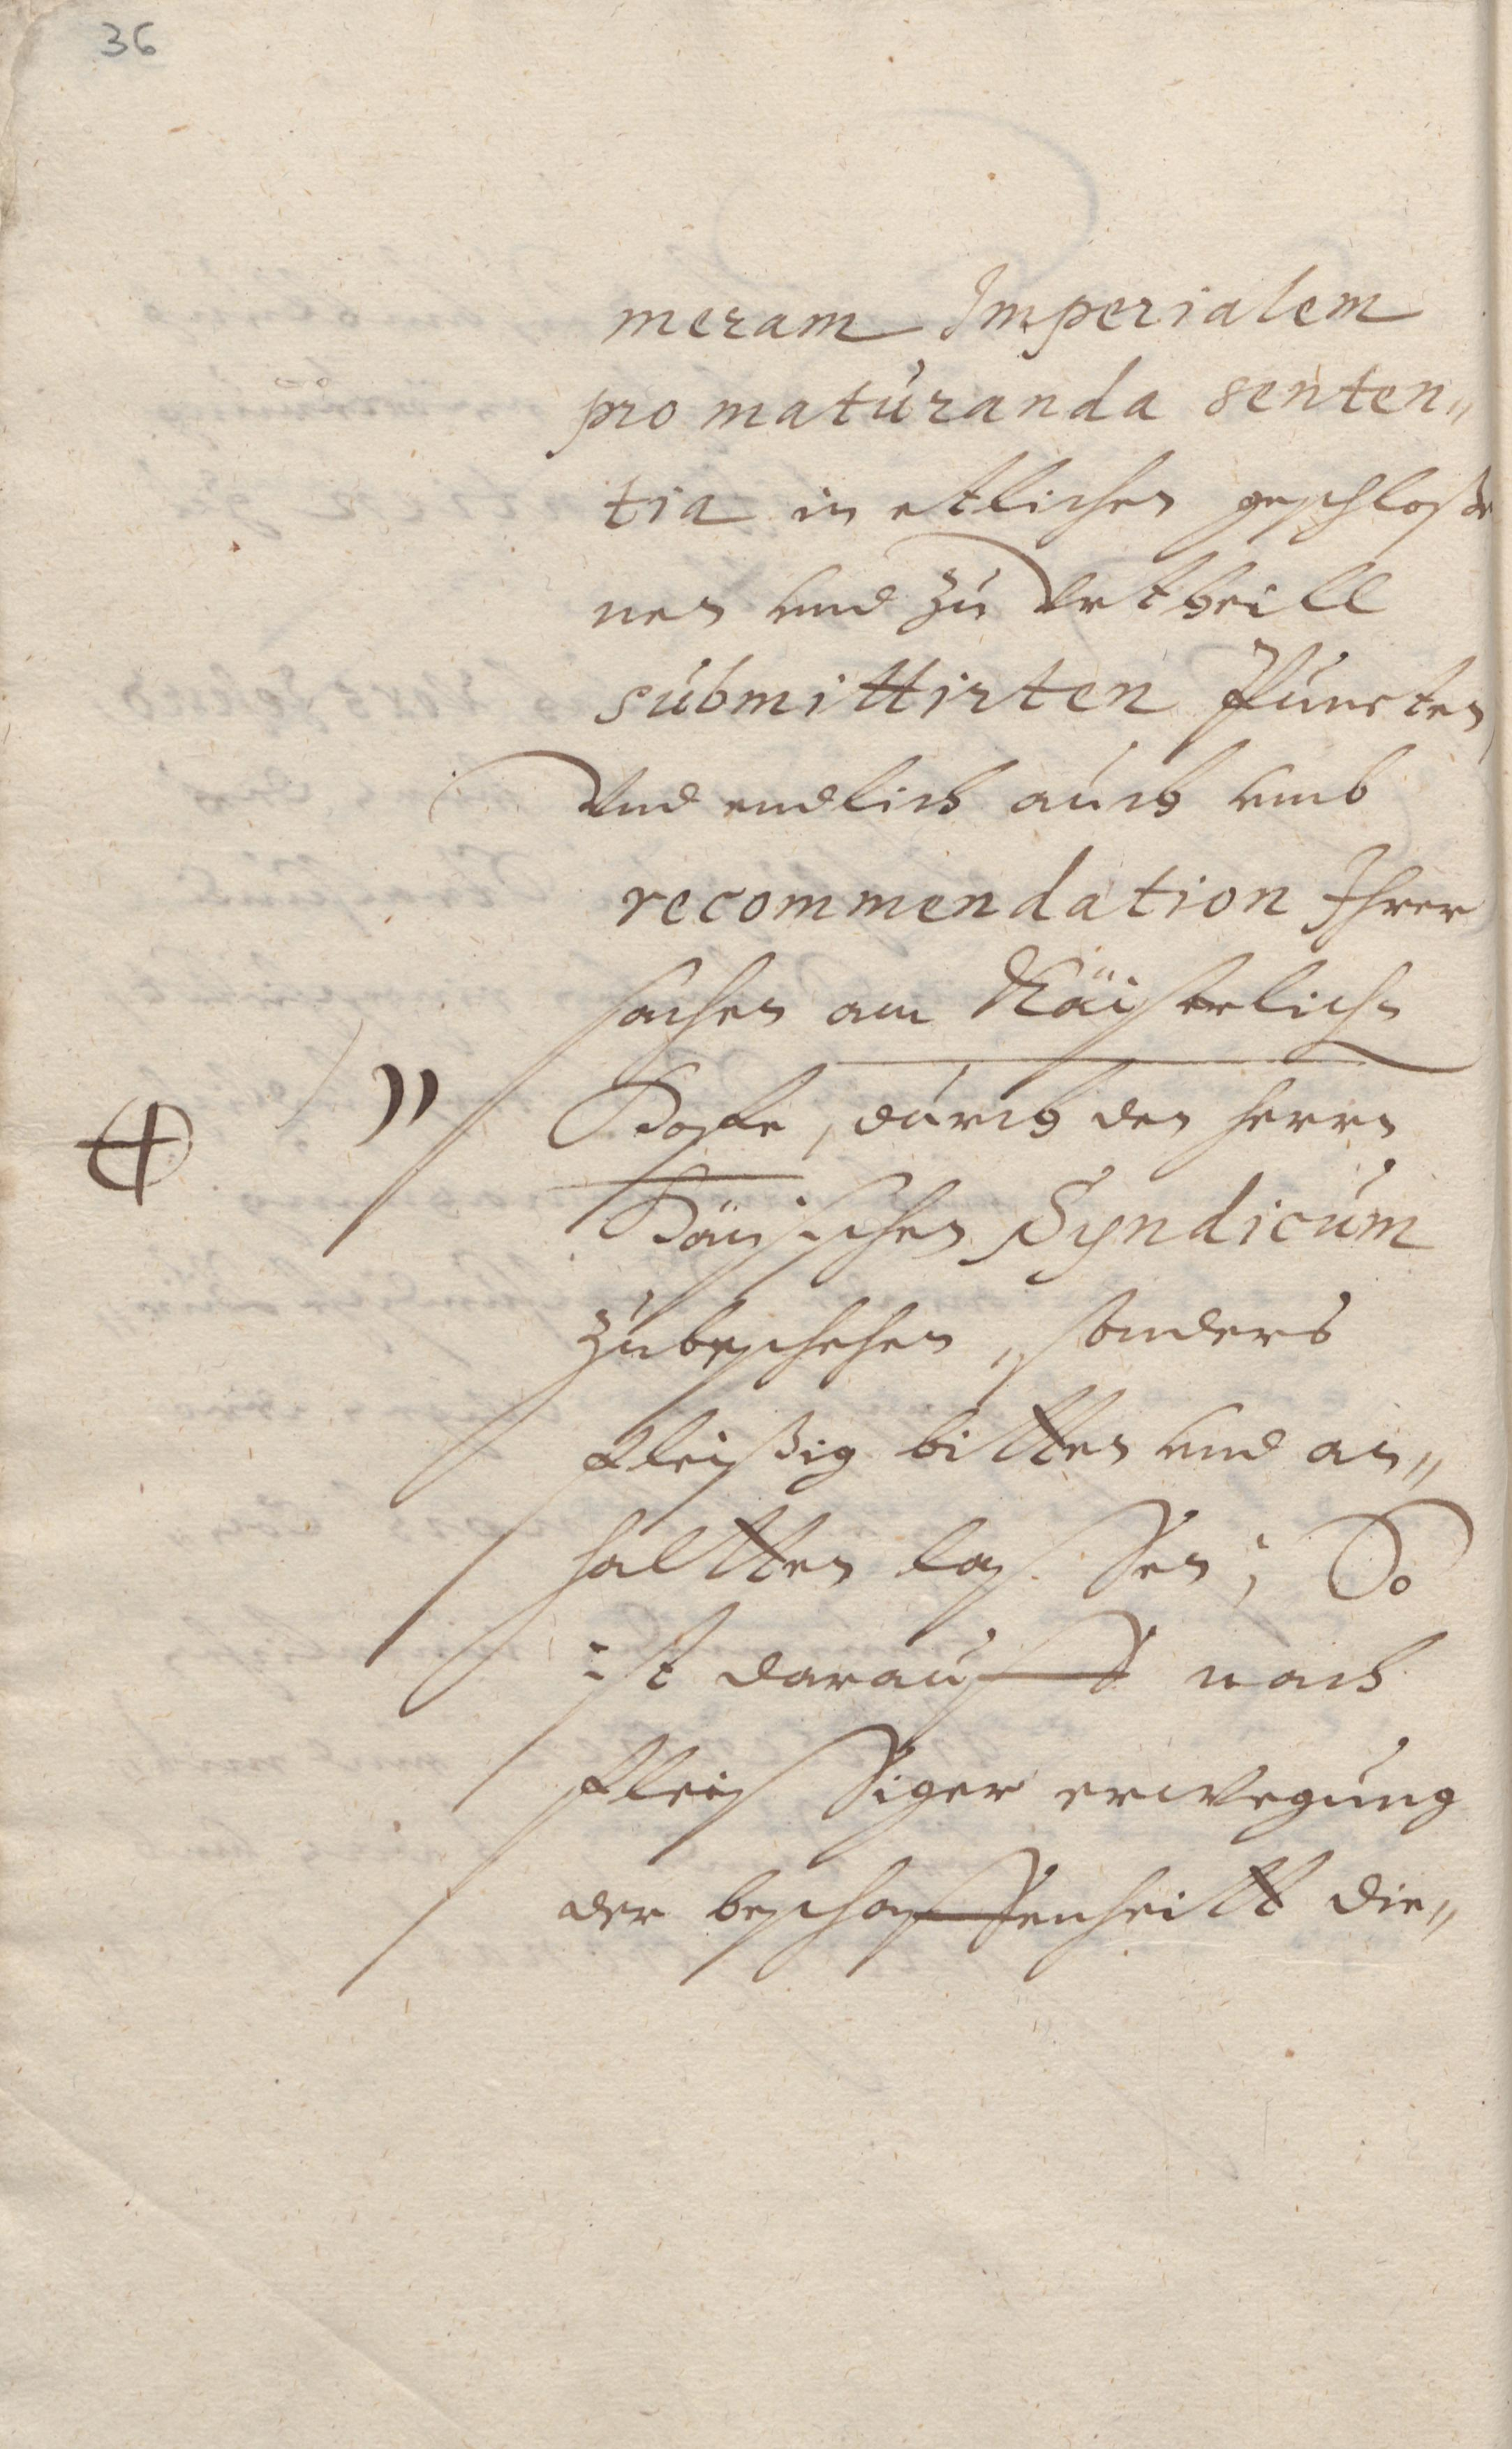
meram Imperialem
pro maturanda senten¬
tia in etlichen geschloße
nen vnd zu Vrtheill
submittirten Puncten,
vnd endlich auch vmb
recommendation Ihrer
sachen am Kaiserlichen
Hofe, darin den herrn
Hänsischen Syndicum
zubeschehen, sonders
fleißig bitten vnd an¬
haltten laßen; So
ist darauff nach
fleissiger erwegung
der beschaffenheitt die¬
11
